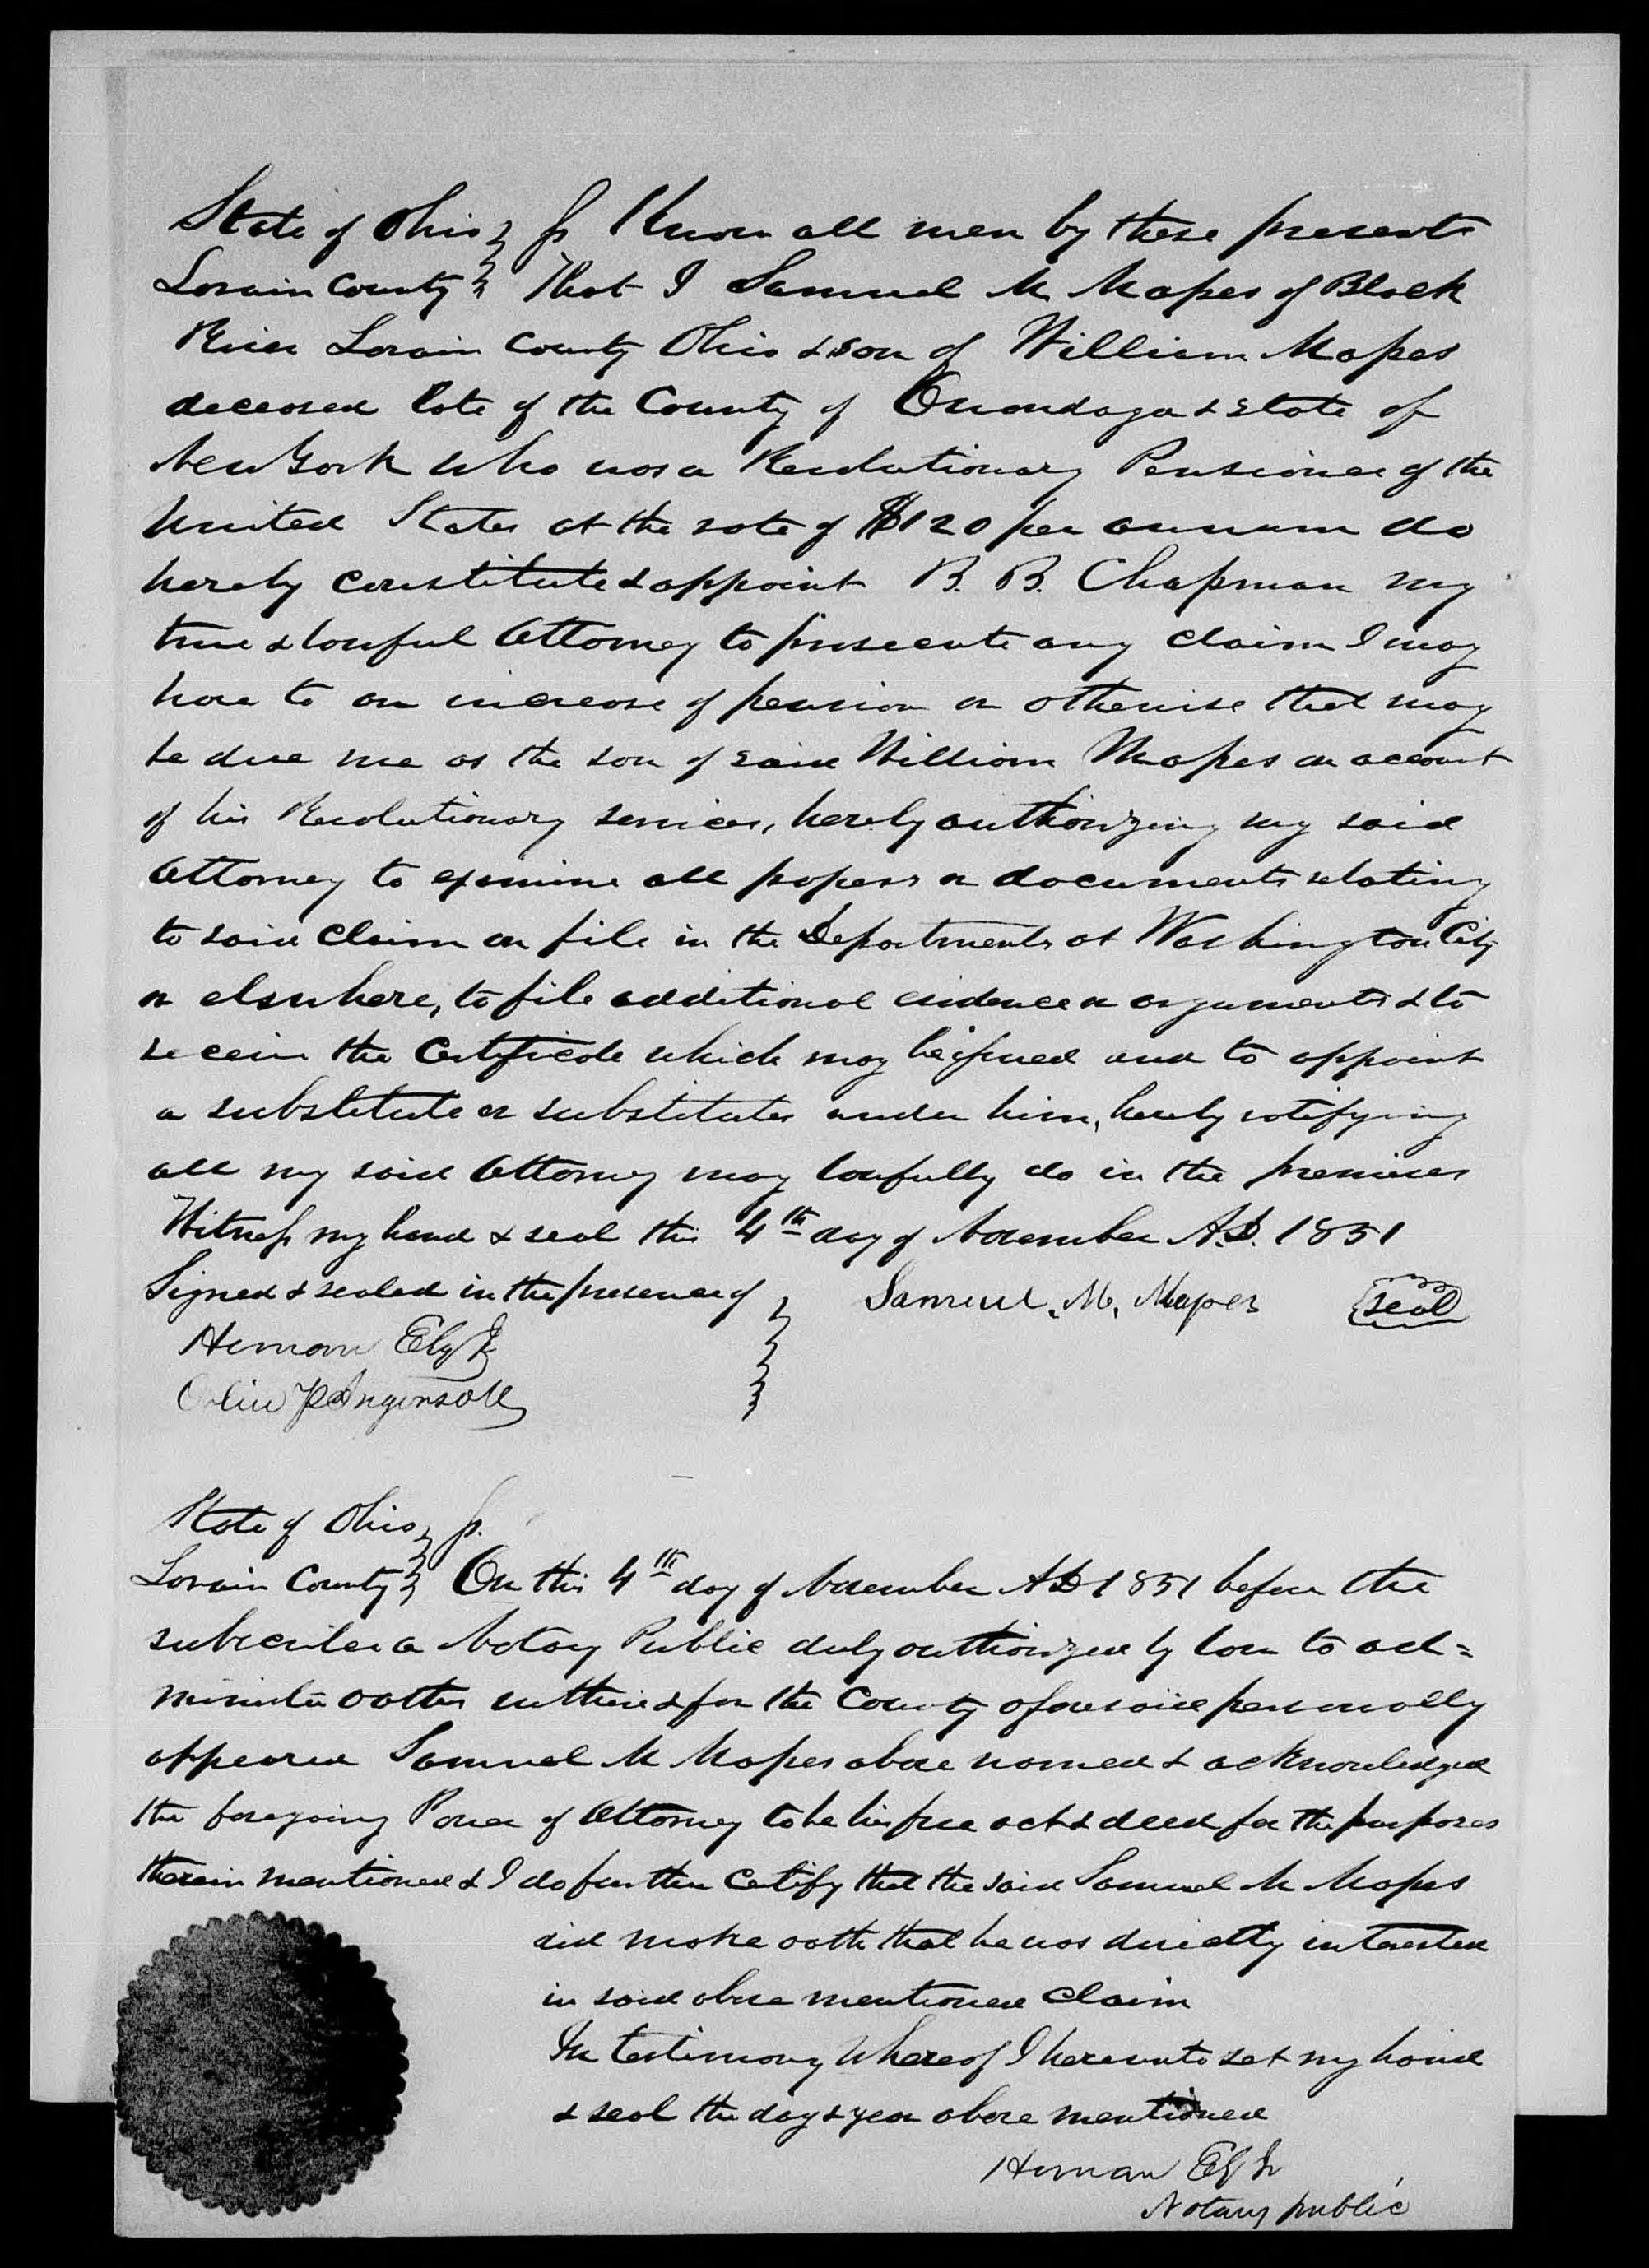State of Ohio}
Lorain County}ss
Know all men by these present  that I Samuel M Mapes of Black River Lorain County Ohio & son of William Mapes deceased late of the County of Onondaga & State of New York who was a Revolutionary Pensioner of the United States at the rate of $120 per annum do hereby constituted appoint B. B. Chapman my true & lawful attorney to prosecute any claim I may have to an increase of pension or otherwise that may be due me as the son of said William Mapes on account of his Revolutionary services, hereby authorizing my said attorney to examine all papers or documents relating to said claim on file in the Department at Washington City or elswhere, to file additional evidence or arguments to receive the certificate which may be issued and to appoint a substitute or substitutes under him, hereby ratifying all my said Attorney may lawfully do in the premises 
Samuel M Mapes

Witness my hand & seal this 4th day of November A.D. 1851 

Signed & sealed in the presence of 
Hermon Eelgh?} 
Olin[?] Ingersoll}

State of Ohio}
Lorain County}ss

On this 4th day of November AD 1851 before the subscriber a Notary Public duly authorized by law to administer oaths within & for the County aforesaid personally appeared Samuel M Mapes, above named & acknowledged the foregoing Power of Attorney to be his free act & deed for the purposes therein mentioned & I do further certify that the said Samuel Moss did make oath that he was directly interested in said above mentioned claim 
In testimony whereof I hereunto set my hand & seal the day & year above mentioned 
Homan [Eelph?] 
Notary Public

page: 19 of 30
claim: survivor's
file: S. 13,873, for William Mapes, New York